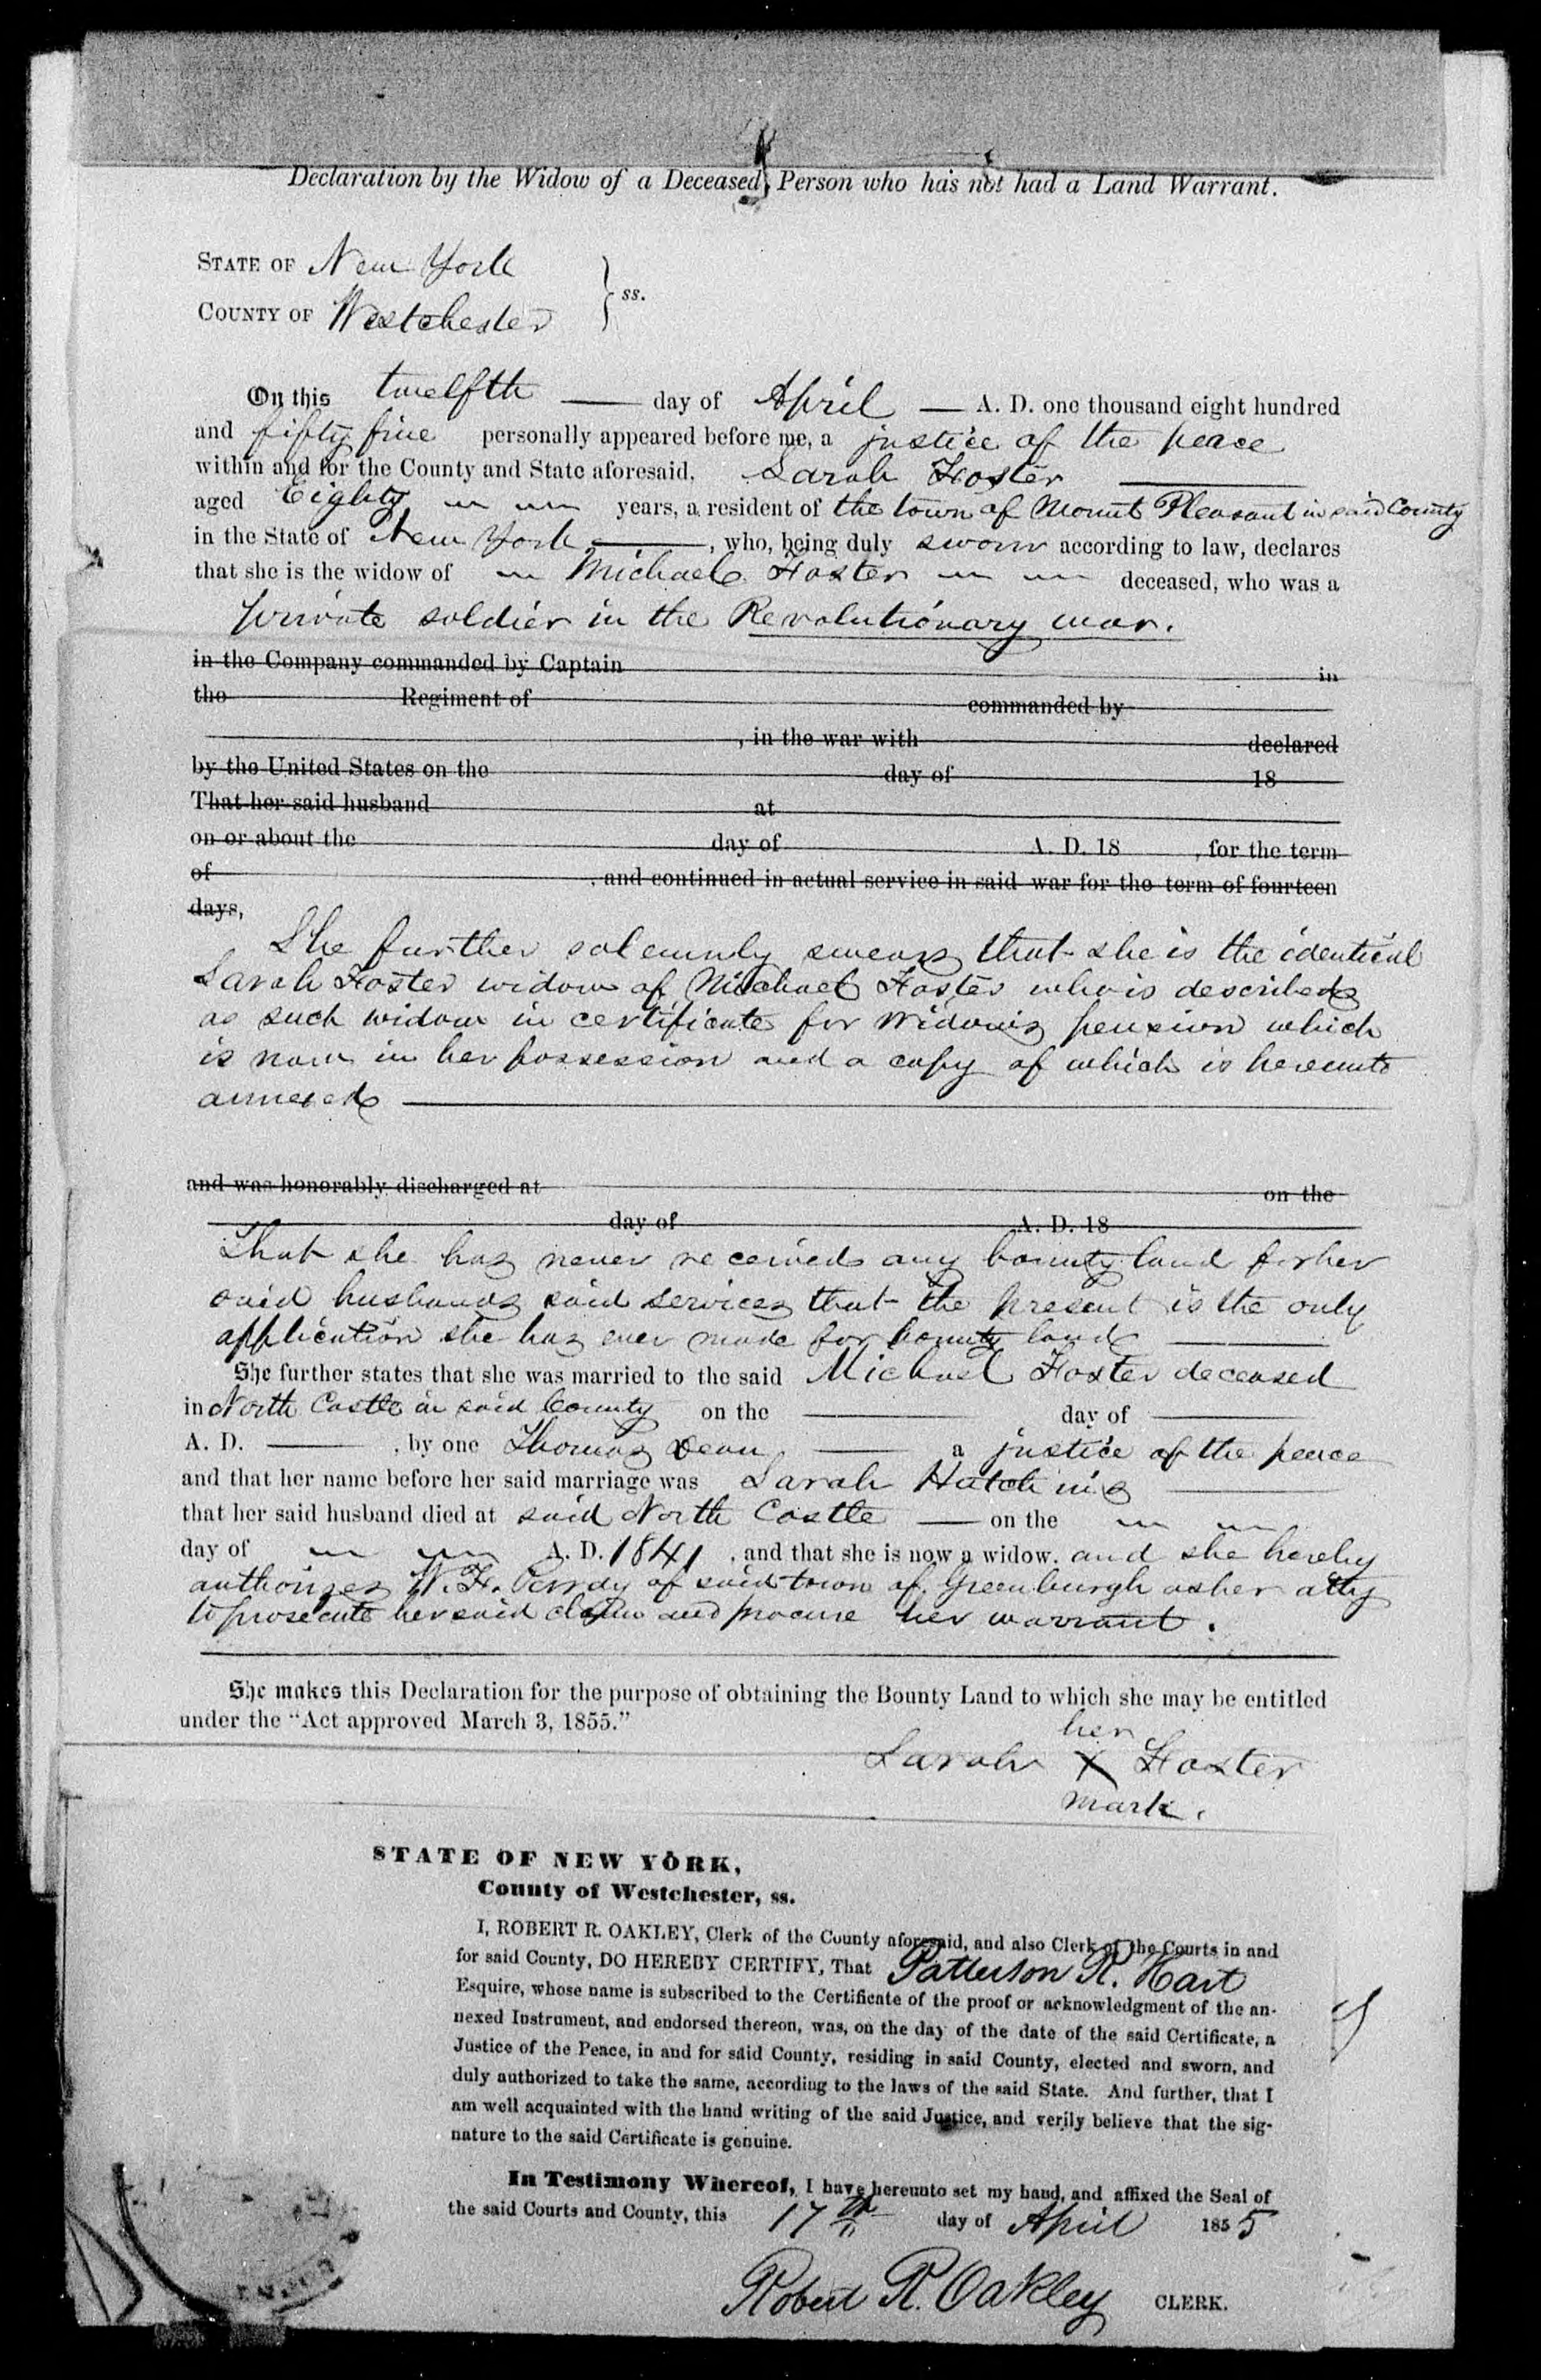(form letter with portions hand written)

Declaration by the Widow of Deceased Person who has not had a Land Warrant.

STATE OF New York
COUNTY OF Westchester SS

On this twelfth day of April A.D. one thousand eight hundred and fifty five personally appeared before me, a justice of the peace within and for the County and State aforesaid, Sarah Foster aged Eighty years, a resident of the town of Mount Pleasant in said County in the State of New York who, being duly sworn according to law, declares that she is the widow of Michael Foster deceased, who was a private soldier in the Revolutionary war.
(the next paragraph is crossed through)
"in the company commanded by Captain
the Regiment of 
commanded by
in the war with
declared 
by the United States on the 
day of 18
That her husband 
at 
on or about the 
day of 
A. D. 18 
for the term of
and continued in actual service in said war for the term of fourteen days)
Continues-
She further solemnly swears that she is the identical Sarah Foster widow of Michael Foster who is described as such widow in certificate for Widows pension which is now in her possession and a copy of which is hereunto annexed.
(crossed out-and was honorably discharged at
on the day of)
That she has never received any bounty land for her said husband's said service that the present is the only application she has ever made for bounty land. She further states that she was married to the said Michael Foster deceased in North Castle in said County on the____day of ____A. D. ___, by one Thomas Dean____a justice of then peace and that her name before her said marriage was Sarah Hatch and that her husband died at said North Castlenon the _____day of _______A. D. 1841, and that she is now a widow, and she hereby authorizes W. F.Purdy of said town of Greenburgh as her atty. to prosecute her said claim and procure her warrant. 
She makes the Declaration for the purpose of obtaining the Bounty Land to which she may be entitled under the Act approved March 3, 1855."
Sarah Foster
her X mark

STATE OF NEW YORK
County of Westchester, SS
I, Robert R. Oakley, Clerk of the County aforesaid, and also Clerk of the Courts in and for said County, DO HEREBY CERTIFY, That Patterson R. Hart Esquire, whose name is subscribed to the certificate of the proof or acknowledgement of the annexed Instrument, and enforced thereon, was, on the day of then date of the said Certificate, a Justice of the Peace, in and for said County, residing in said County, elected and sworn, and duly authorized to take the same, according to the laws of the said State. And further, that I am well acquainted with the hand writing of the said Justice, and verily believe that the signature to the said Certificate is genuine.

In Testimony Whereof, I have hereunto set my hand, and affixed the Seal of the said Courts and County, this 17th day of April 1855
Robert R. Oakley Clerk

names: Sarah Hatch, Sarah Foster, Sarah Foster, Robert R Oakley, Patterson R Hart, Michael Foster, Robert R Oakley, W F Purdy, Michael Foster, Sarah Foster, Thomas Dean, Michael Foster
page: 22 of 57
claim: widow's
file: W. 5275 1/2, Michael Foster, Penn.